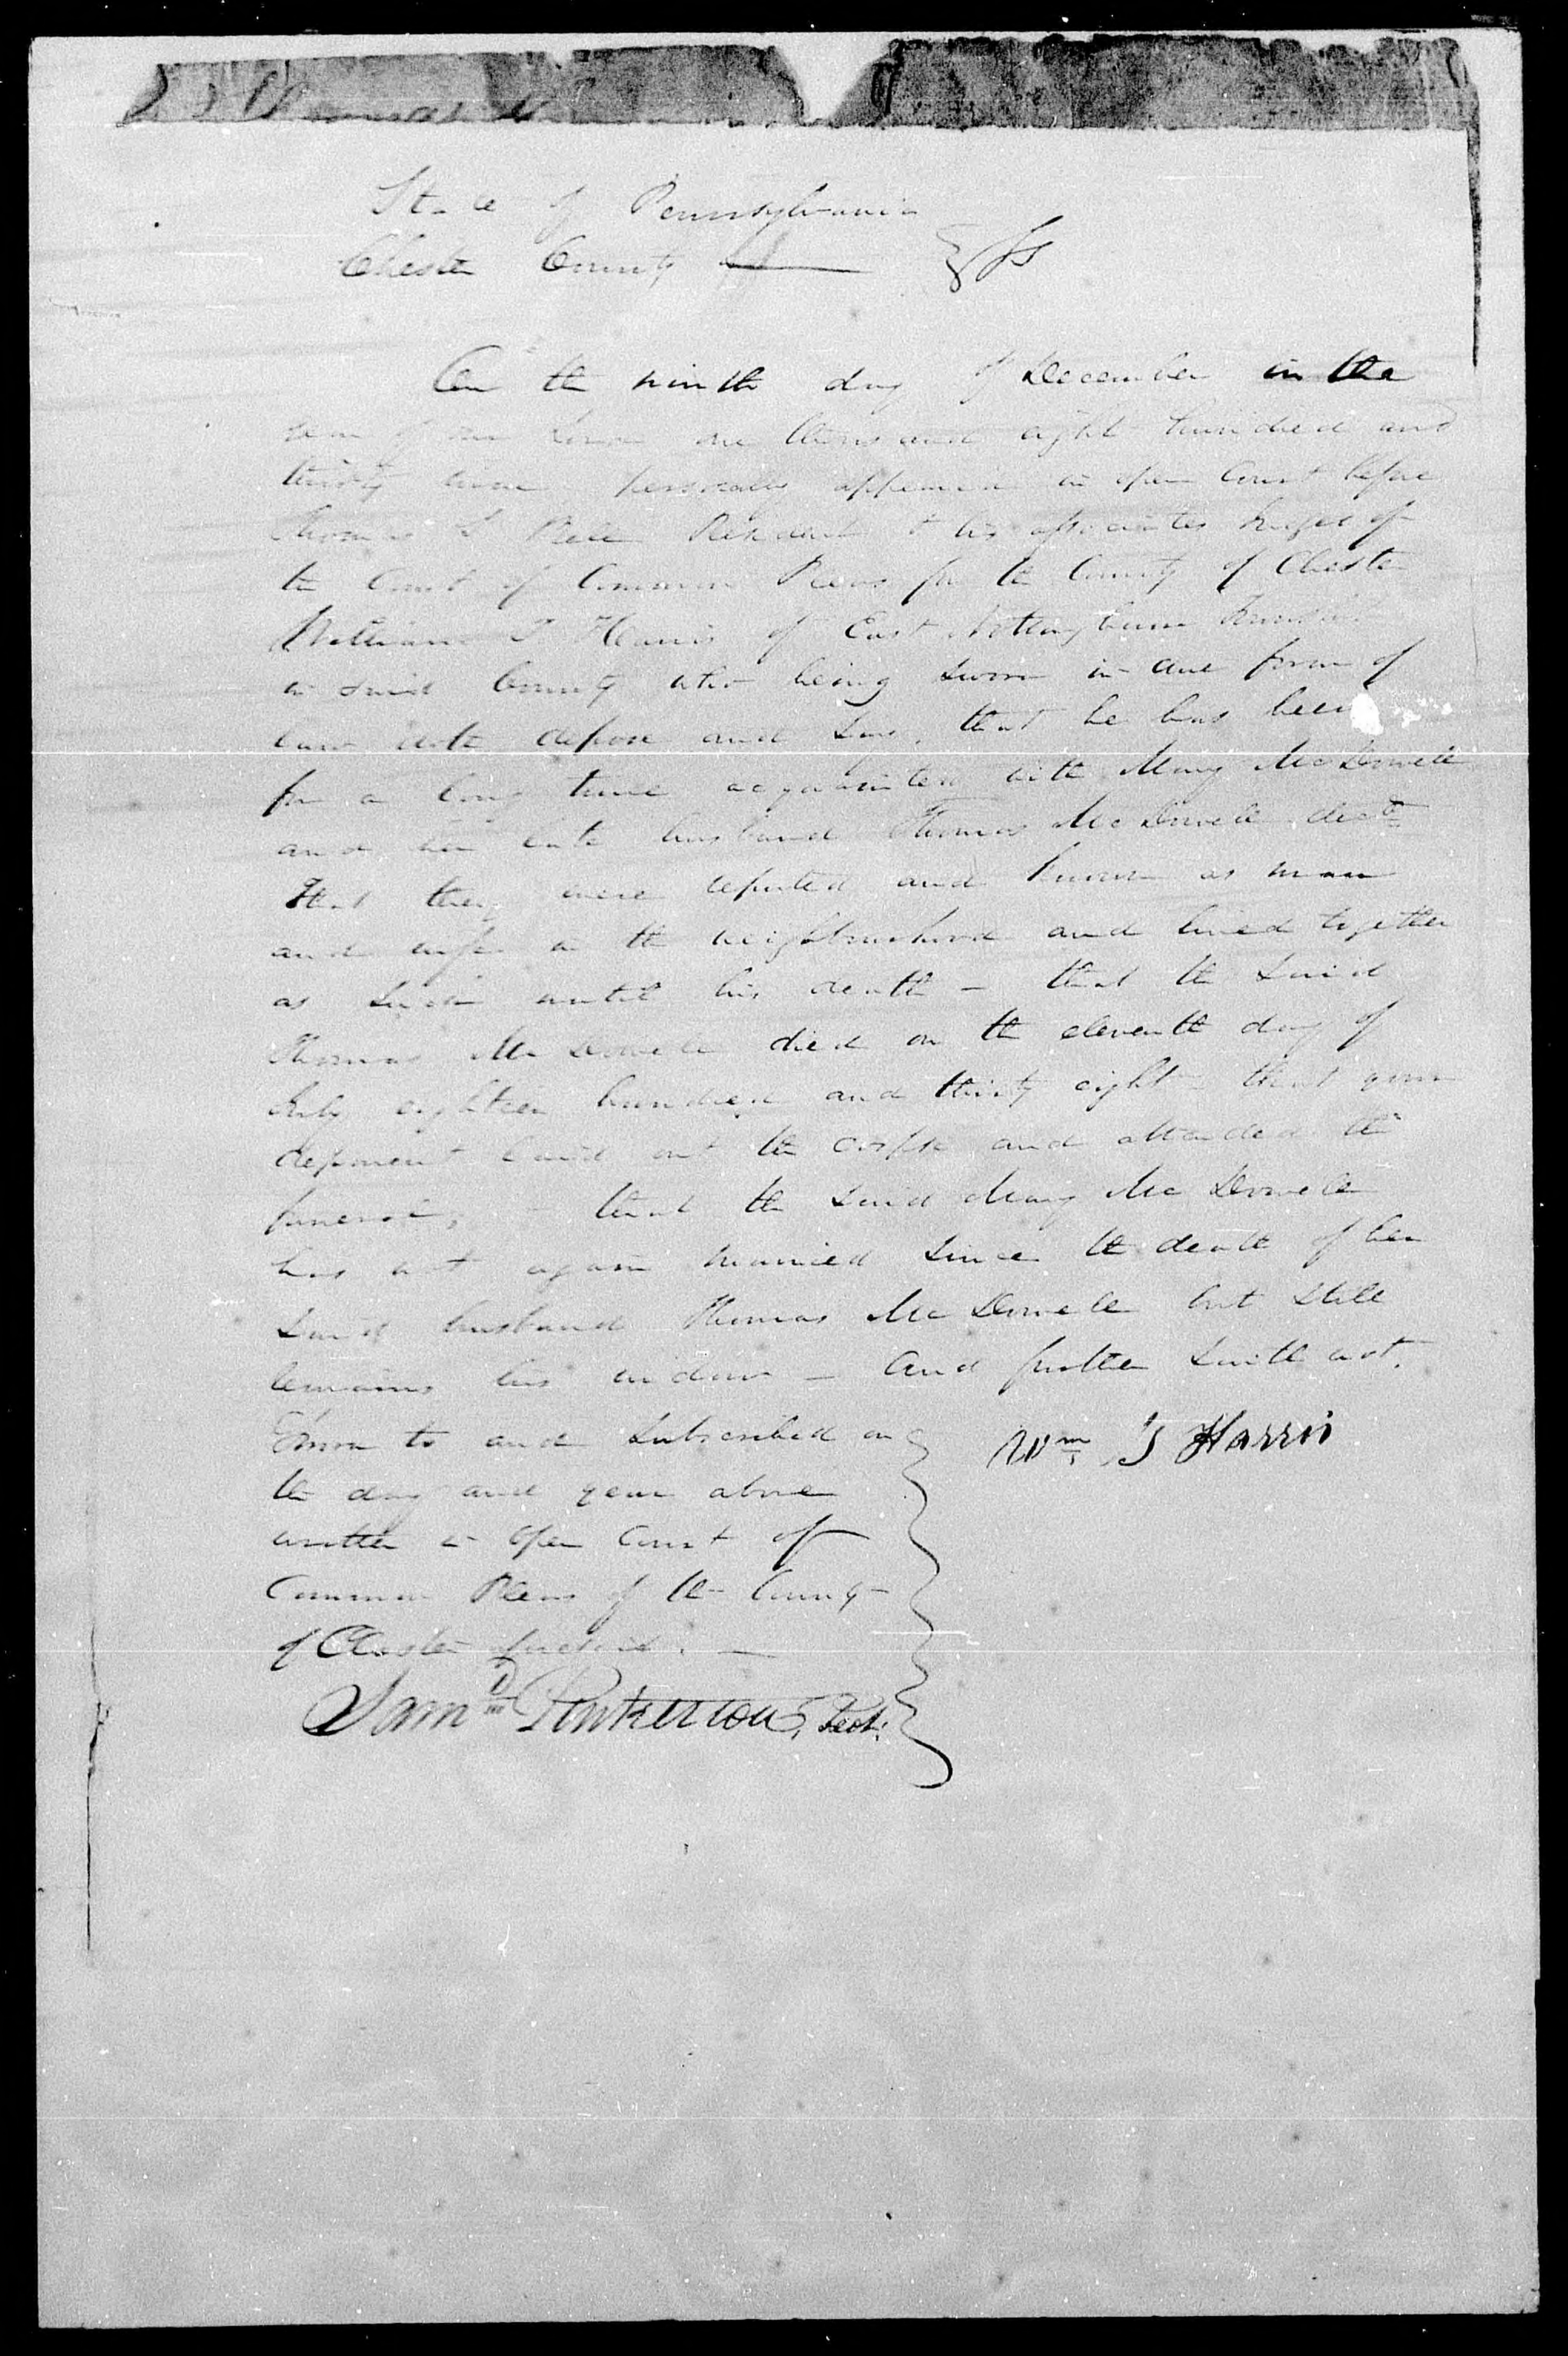State of Pennsylvania
Chester County ______ )  Ss

   On the ninth day of December in the year of our Lord one thousand eight hundred and thirty nine, personally appeared in open Court before Thomas S. Bell Resident & his associate judges of the Court of Common Pleas for the County of Chester William T. Harris of East Nottingham Township in said County who being sworn in due form of law doth depose and Say, that he has been for a long time acquainted with Mary McDowell and her late husband Thomas McDowell decd.  That they were reputed and known as man and wife in the neighborhood and lived together as such until his death - that the Said Thomas McDowell died on the eleventh day of July eighteen hundred and thrity eight - that deponent lived on the (?) and attended the funeral.  that the Said Mary McDowell has not again married Since the death of her Said husband Thomas McDowell  but will remains his widow - And further saith not.
   Wm. T Harris
Sworn to and Subscribed on  )
the day and year above          )
written in Open Court of        )
Common Pleas of the County)
of Chester aforesaid.              )
    Saml. Pinkerton, Prot.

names: Thomas S Bell; Saml Pinkerton; Thomas Mc Dowell; William T Harris; Mary Mc Dowell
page: 8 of 63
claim: widow's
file: W 2957, for Thomas Mc Dowell, Maryland